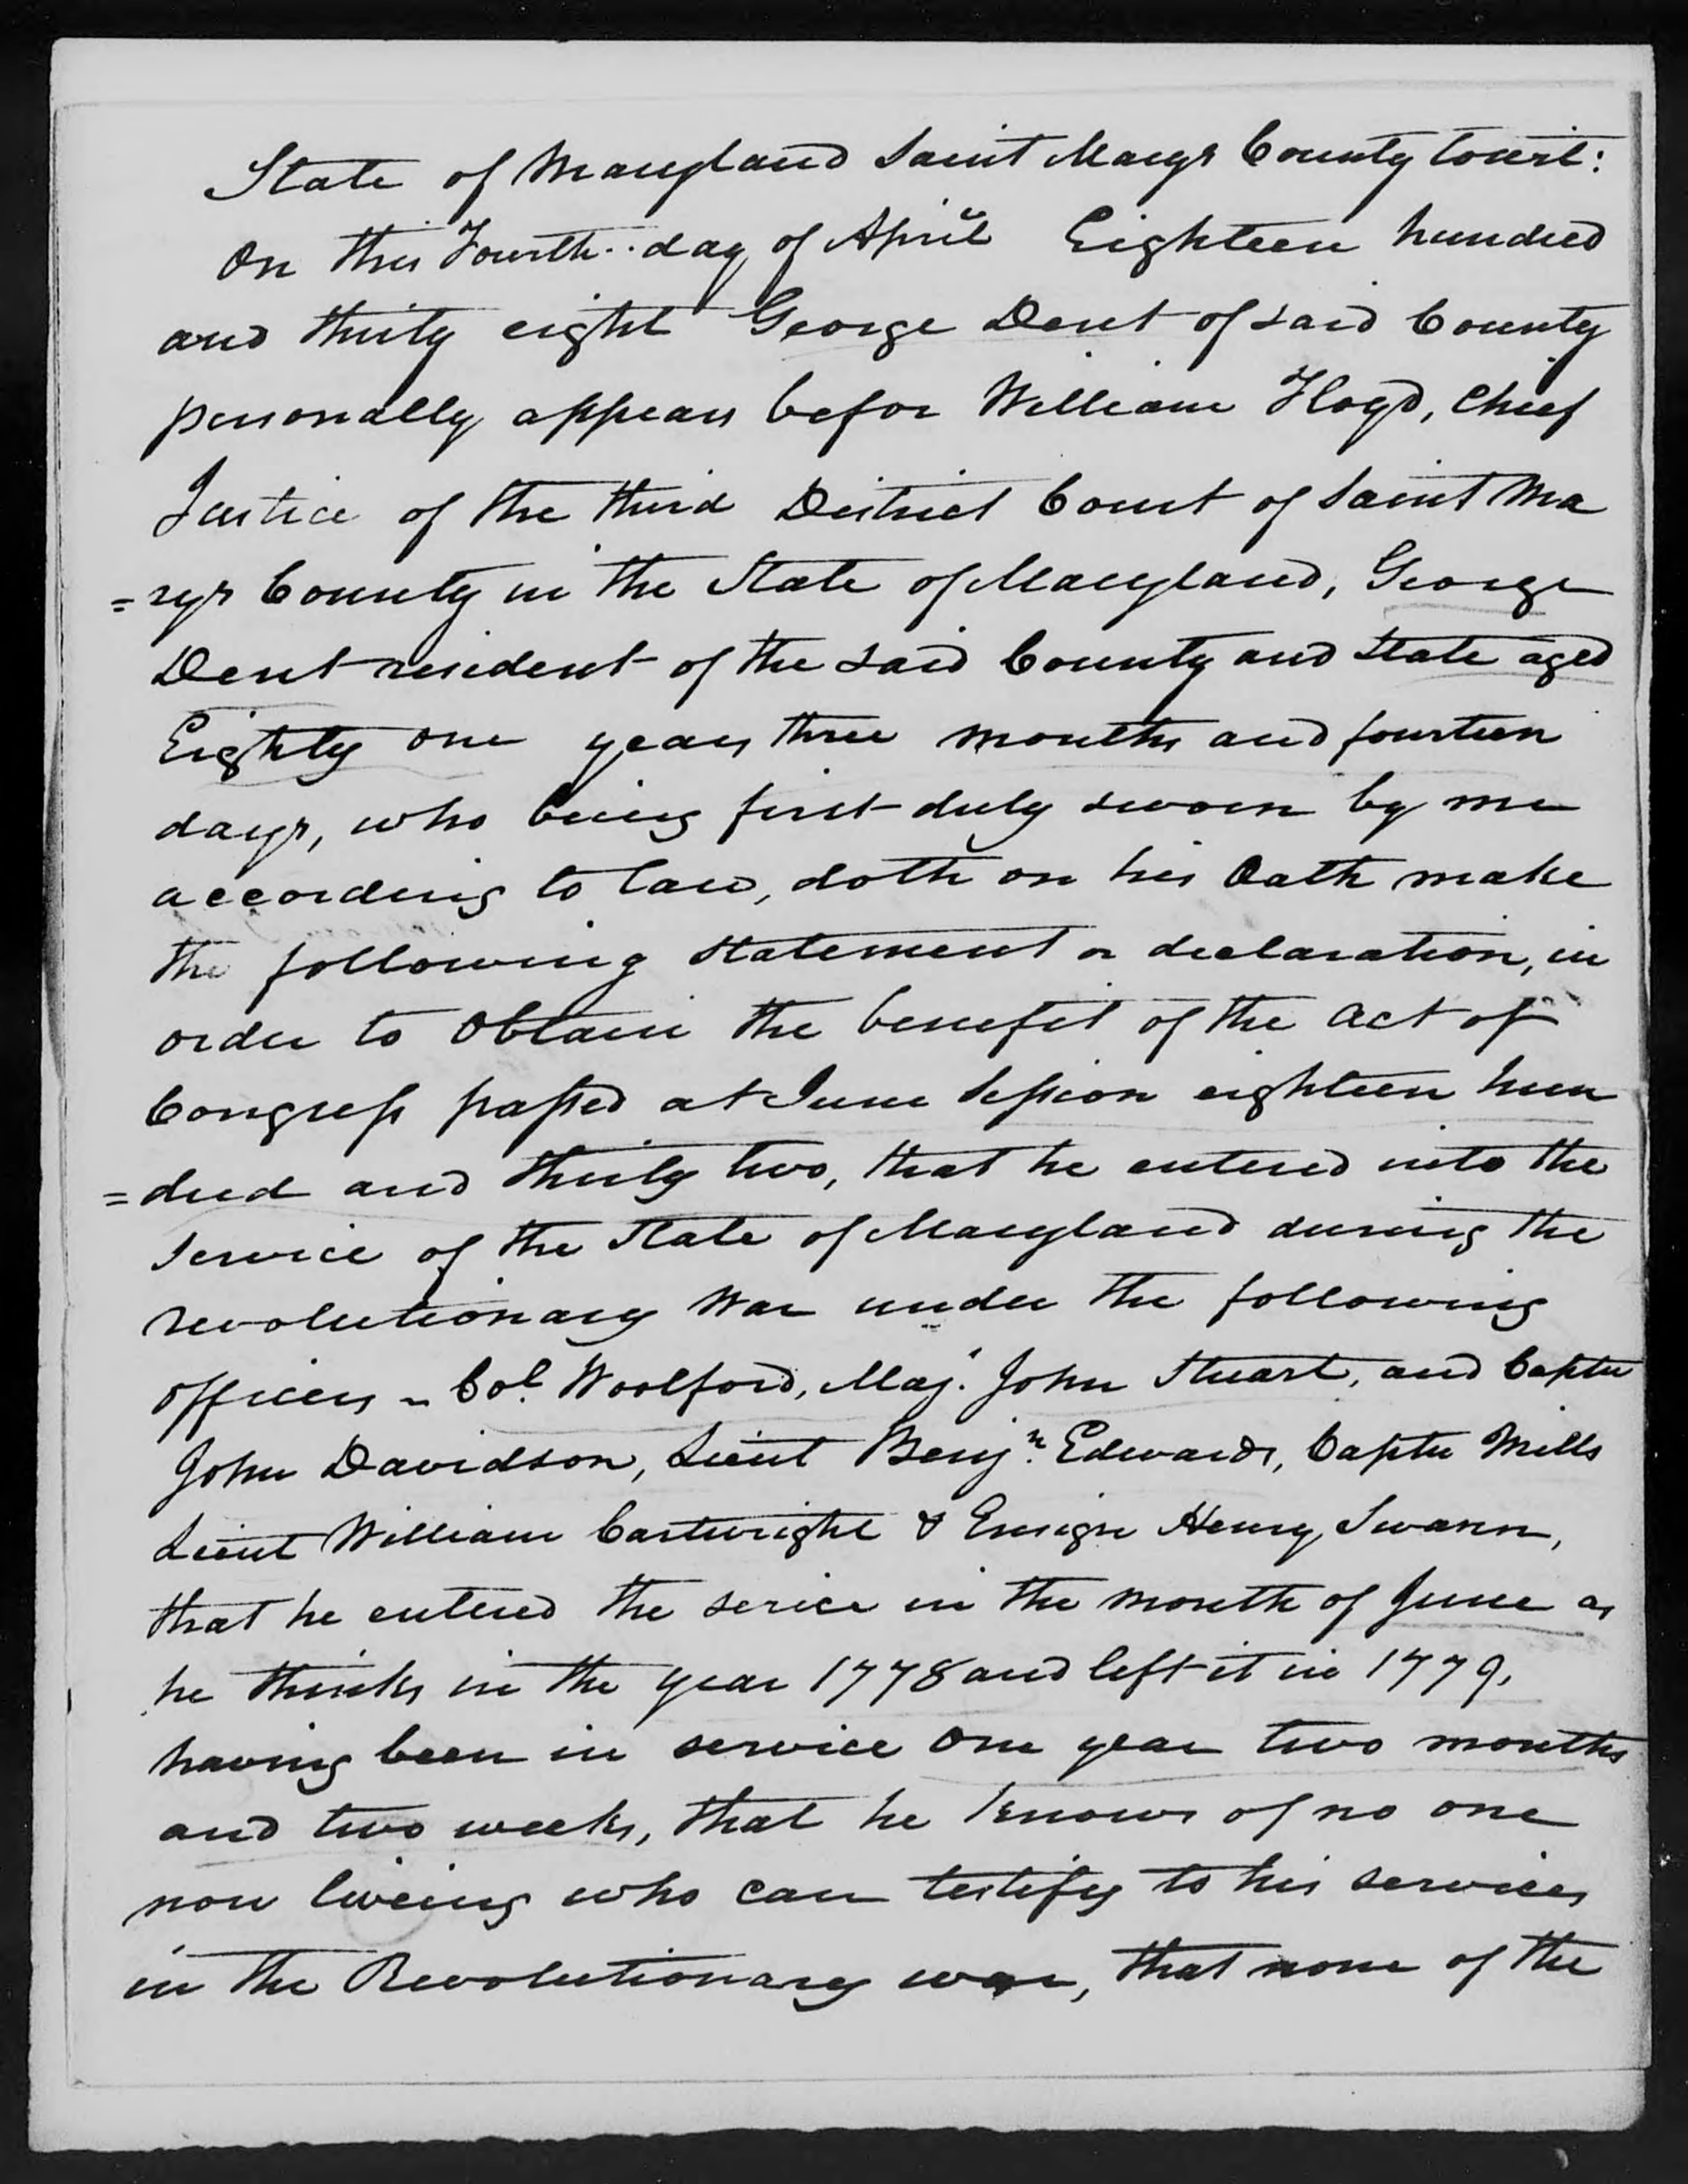State of Maryland Saint Marys County Court: 
On this Fourth day of April Eighteen hundred and thirty eight George Dent of said County personally appears before William Floyd, Chief Justice of the third District Court of Saint Marys County in the State of Maryland, George Dent resident of the said County and State aged Eighty one years three months and fourteen days, who being first duly sworn by me according to law, doth on his oath make the following statement or declaration, in order to obtain the benefit of the act of Congress passed at June Session eighteen hundred and thirty two, that he entered into the service of the State of Maryland during the revolutionary War under the following officers - Col. Woolford, Major John Stuart and Captain John Davidson, Lieut Benjamin Edwards, Captain Mills Lieut William Cartwright & Ensign Henry Swann, that he entered the service in the month of June as he thinks in the year 1778 and left it in 1779, having been in service one year two months and two weeks, that he knows of no one now living who can testify to his services in the Revolutionary war, that none of the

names: Benjn Edwards, Henry Swann, William Floyd, George Dent, John Davidson, Woolford, William Cartwright, Mills, George Dent, John Stuart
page: 3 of 49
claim: survivor's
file: S. 12755, George Dent, Md.